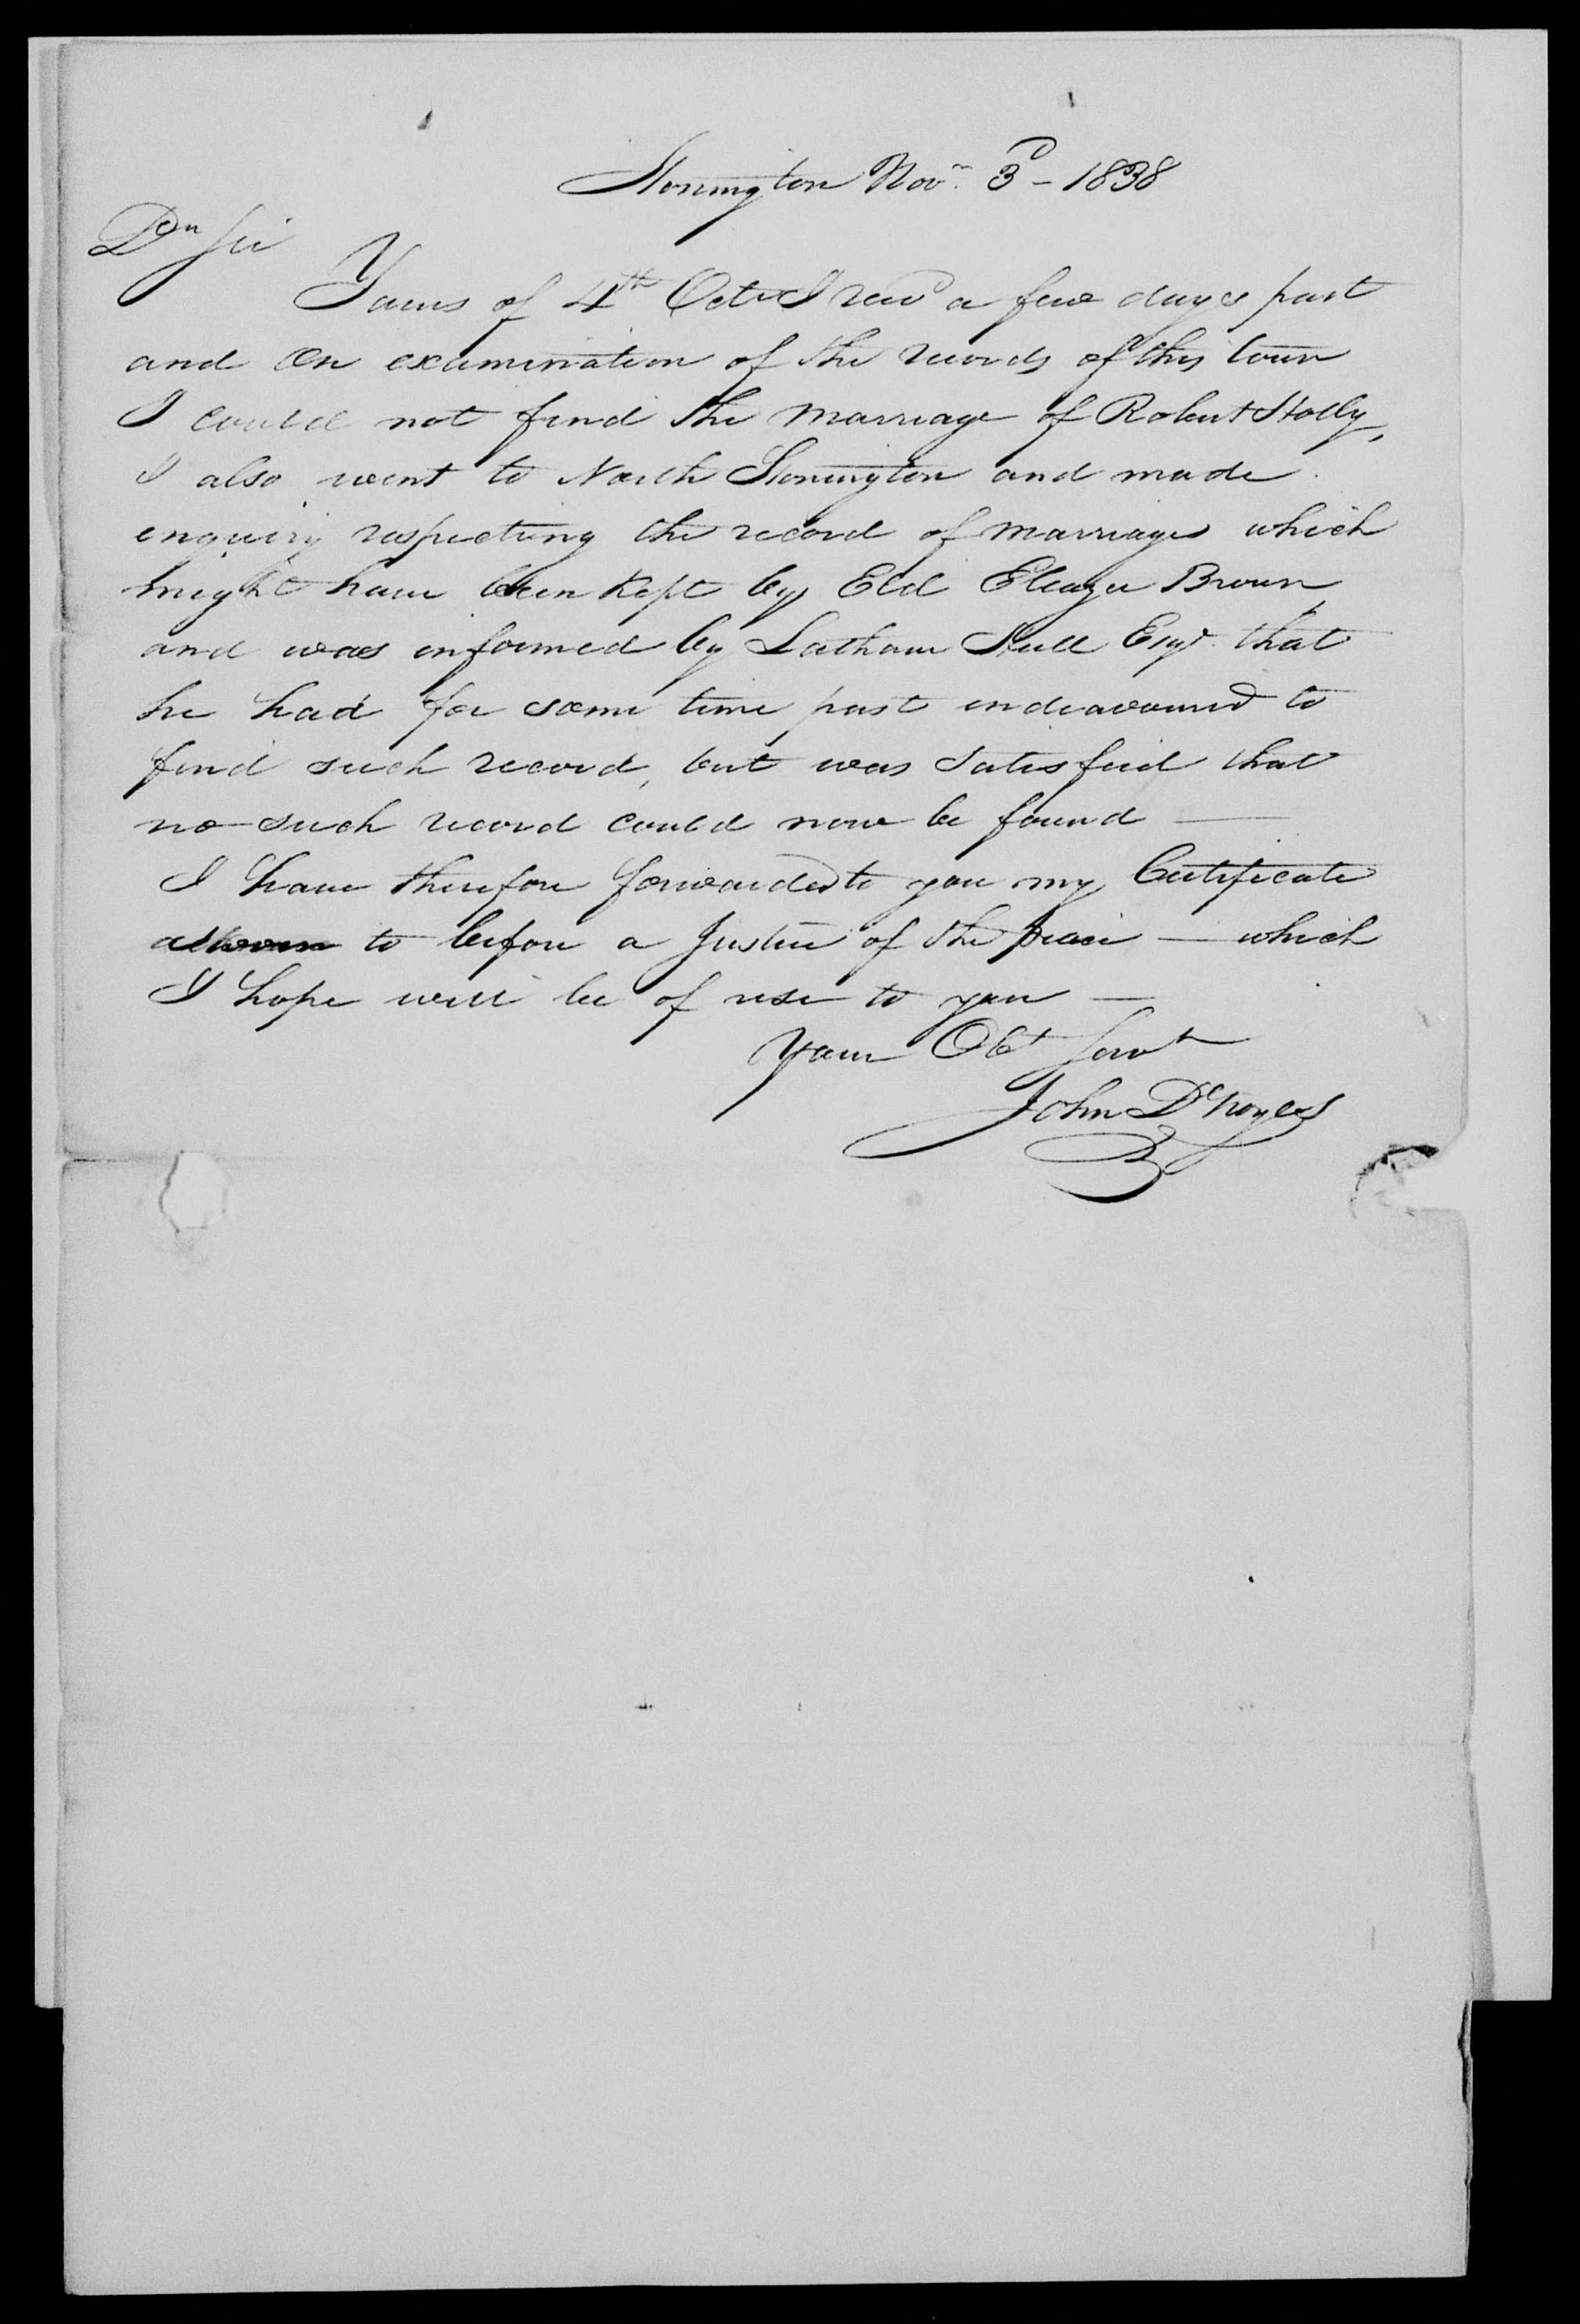Novington Novr 3d 1838
James of 4th Peteran a few days part
and on examination of the records of this town
I could not find the marriage of Robert Holly,
I also went to North Stonington and made
enquiry respecting the record of marriages which
might have been kept by Eld Eleazer Brown
and was informed by Latham Full Esq that
he had for some time past endeavoured to
find such record, but was satisfied that
no such record could now be found-
I have therefore forwarded to you my certificate
all to before a Justice of the peace which
I hope will be of use to you
Your Obt Sert
John D Royes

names: John D Noyes, Eld Elezer Brown, Latham Sull, Robert Holly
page: 59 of 62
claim: widow's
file: W. 21391, Robert Holley, Conn.